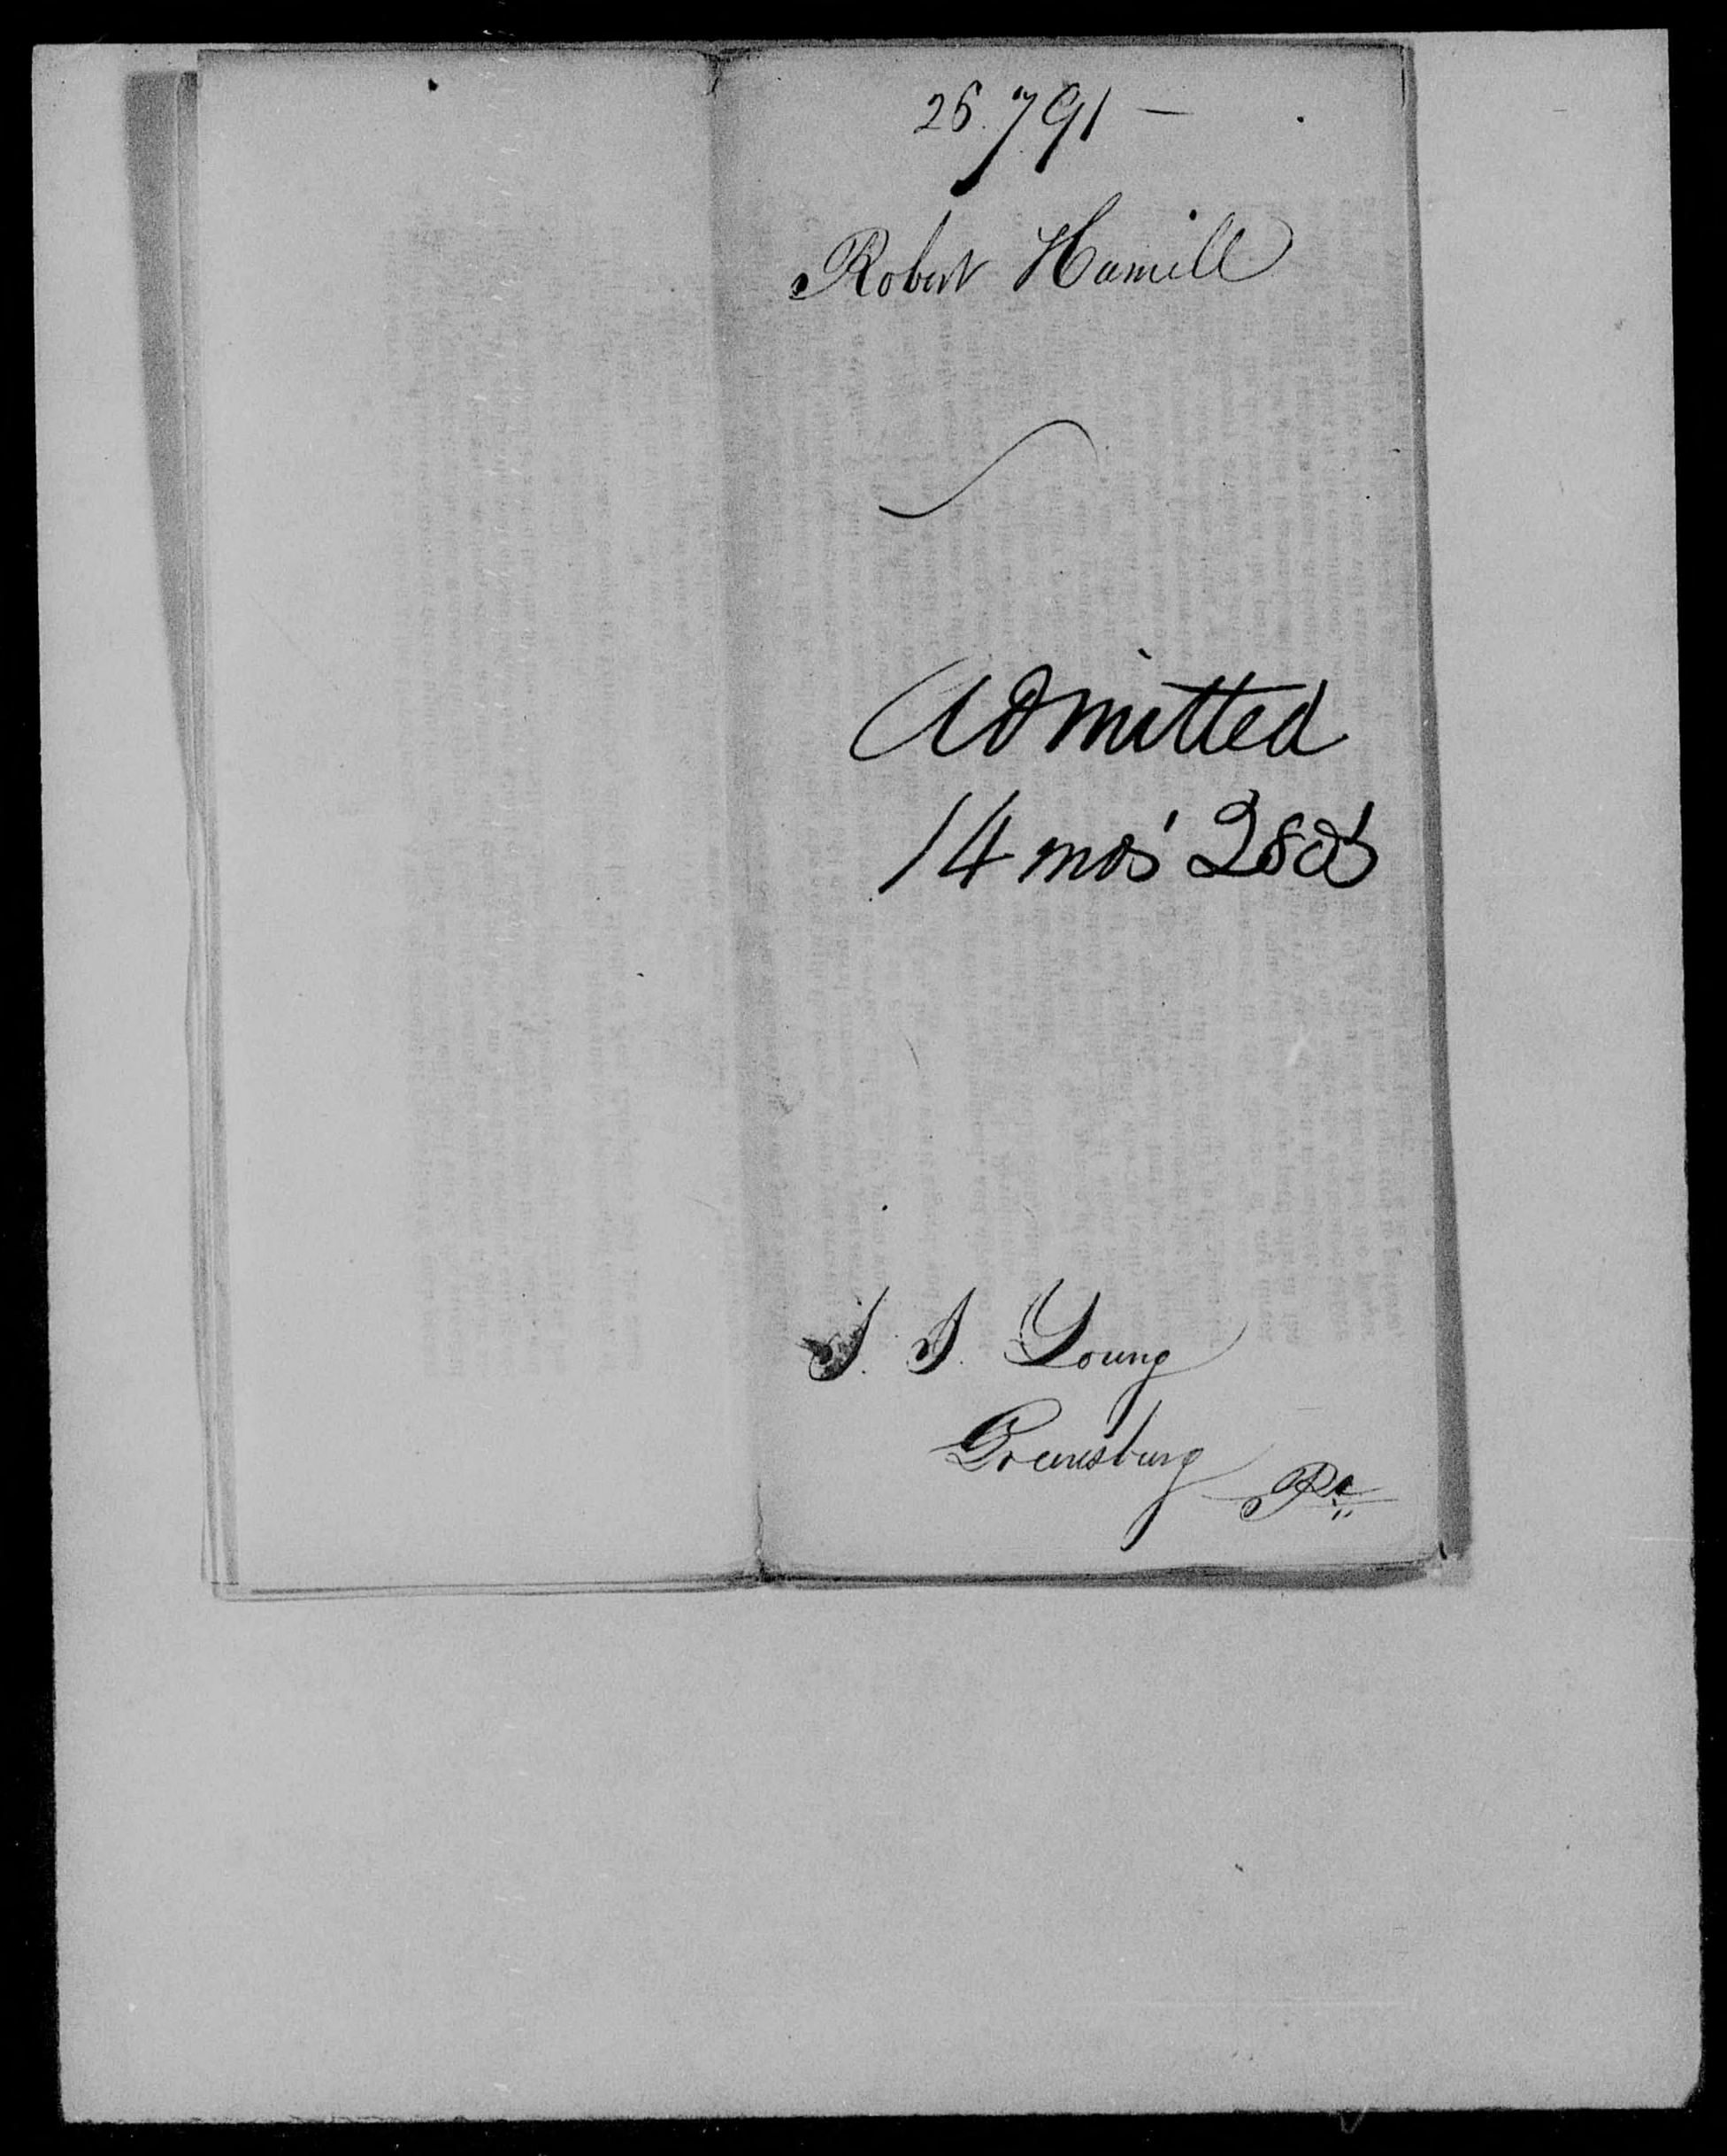26791
Robert Hamill
Admitted
14 mos' [2800]
J.J. Young 
Greensburg PA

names: Robert Hamill, J J Young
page: 29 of 92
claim: widow's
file: W 1173, Robert Hamill, Penn.